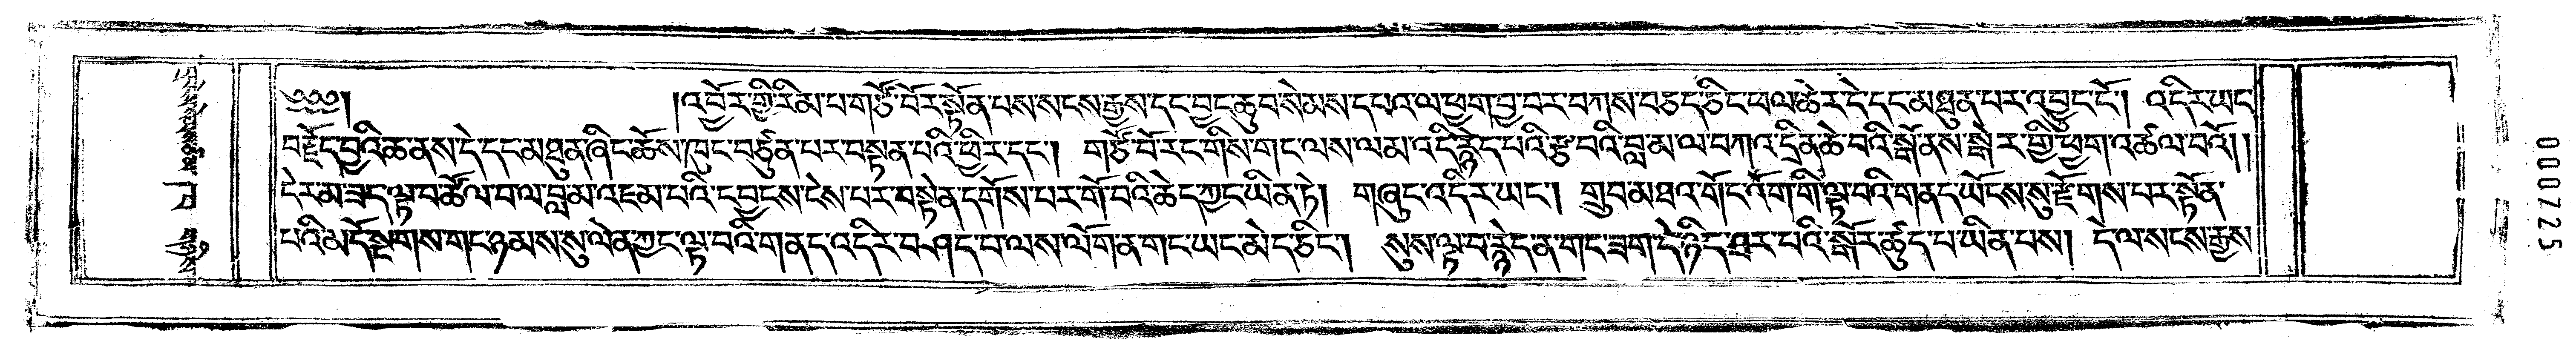༄༅༅། །འབྱོར་གྱི་རིམ་པ་གཙོ་བོར་སྟོན་པས་སངས་རྒྱས་དང་བྱང་ཆུབ་སེམས་དཔའ་ལ་ཕྱག་བྱ་བར་བཀས་བཅད་ཅིང་ཕལ་ཆེར་དེ་དང་མཐུན་པར་འབྱུང་ངོ། །འདིར་ཡང་
བརྗོད་བྱའི་ཆ་ནས་དེ་དང་མཐུན་ཞིང་ཆོས་ཁུང་བཙུན་པར་བསྟན་པའི་ཕྱིར་དང་། གཙོ་བོ་རང་གིས་གང་ལས་ལམ་འདི་རྙེད་པའི་རྩ་བའི་བླ་མ་ལ་བཀའ་དྲིན་ཆེ་བའི་སྒོ་ནས་སྒེར་གྱི་ཕྱག་འཚལ་བའོ། །
དེར་མ་ཟད་ལྟ་བ་ཚོལ་བ་ལ་བླ་མ་འཇམ་པའི་དབྱངས་ངེས་པར་བསྟེན་དགོས་པར་གོ་བའི་ཆེད་ཀྱང་ཡིན་ཏེ། གཞུང་འདིར་ཡང་། གྲུབ་མཐའ་གོང་འོག་གི་ལྟ་བའི་གནད་ཡོངས་སུ་རྫོགས་པར་སྟོན་
པའི་མདོ་སྔགས་གང་ཉམས་སུ་ལེན་ཀྱང་ལྟ་བའི་གནད་འདིར་བཤད་པ་ལས་ལོག་ན་གང་ཡང་མེད་ཅིང་། སུས་ལྟ་བ་རྙེད་ན་གང་ཟག་དེ་ཉིད་ཐར་པའི་སྒོར་ཚུད་པ་ཡིན་པས། དེ་ལ་སངས་རྒྱས་